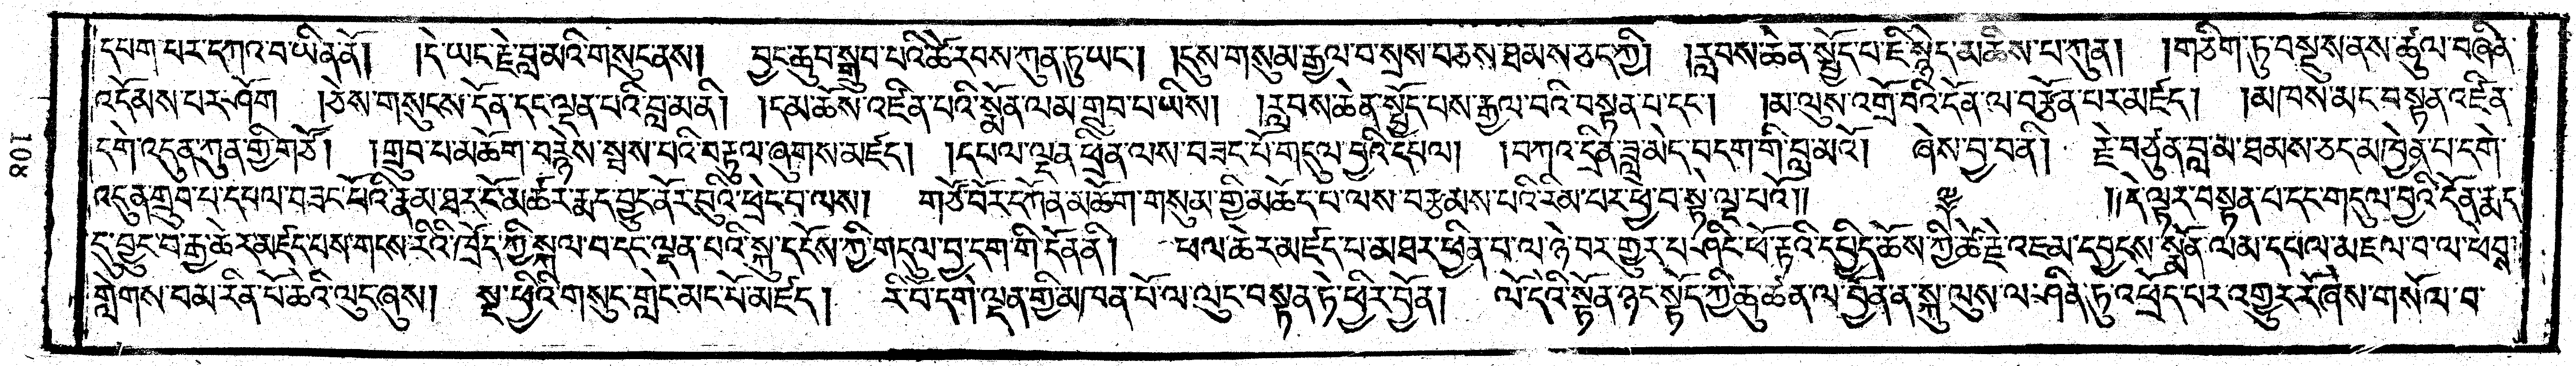དཔག་པར་དཀའ་བ་ཡིན་ནོ། །དེ་ཡང་རྗེ་བླ་མའི་གསུང་ནས། བྱང་ཆུབ་སྒྲུབ་པའི་ཚེ་རབས་ཀུན་ཏུ་ཡང་། །དུས་གསུམ་རྒྱལ་བ་སྲས་བཅས་ཐམས་ཅད་ཀྱི། །རླབས་ཆེན་སྤྱོད་པ་ཇི་སྙེད་མཆིས་པ་ཀུན། །གཅིག་ཏུ་བསྡུས་ནས་ཚུལ་བཞིན་
འདོམས་པར་ཤོག །ཅེས་གསུངས་དོན་དང་ལྡན་པའི་བླ་མ་ནི། །དམ་ཆོས་འཛིན་པའི་སྨོན་ལམ་གྲུབ་པ་ཡིས། །རླབས་ཆེན་སྤྱོད་པས་རྒྱལ་བའི་བསྟན་པ་དང་། །མ་ལུས་འགྲོ་བའི་དོན་ལ་བརྩོན་པར་མཛད། །མཁས་མང་བསྟན་འཛིན་
དགེ་འདུན་ཀུན་གྱི་གཙོ། །གྲུབ་པ་མཆོག་བརྙེས་སྤས་པའི་བརྟུལ་ཞུགས་མཛད། །དཔལ་ལྡན་ཕྲིན་ལས་བཟང་པོ་གདུལ་བྱའི་དཔལ། །བཀའ་དྲིན་ཟླ་མེད་བདག་གི་བླ་མའོ། ཞེས་བྱ་བ་ནི། རྗེ་བཙུན་བླ་མ་ཐམས་ཅད་མཁྱེན་པ་དགེ་
འདུན་གྲུབ་པ་དཔལ་བཟང་པོའི་རྣམ་ཐར་ངོ་མཚར་རྨད་བྱུང་ནོར་བུའི་ཕྲེང་བ་ལས། གཙོ་བོར་དཀོན་མཆོག་གསུམ་གྱི་མཆོད་པ་ལས་བརྩམས་པའི་རིམ་པར་ཕྱེ་བ་སྟེ་ལྔ་པའོ།། ༈ །།དེ་ལྟར་བསྟན་པ་དང་གདུལ་བྱའི་དོན་རྨད་
དུ་བྱུང་བ་རྒྱ་ཆེར་མཛད་པས་གངས་རིའི་ཁྲོད་ཀྱི་སྐལ་བ་དང་ལྡན་པའི་སྐུ་དངོས་ཀྱི་གདུལ་བྱ་དག་གི་དོན་ནི། ཕལ་ཆེར་མཛད་པ་མཐར་ཕྱིན་པ་ལ་ཉེ་བར་གྱུར་པ་ཤིང་ཕོ་རྟའི་དཔྱིད་ཆོས་ཀྱི་ཚེ་རྗེ་འཇམ་དབྱངས་སྨོན་ལམ་དཔལ་མཇལ་བ་ལ་ཕེབས་
གླེགས་བམ་རིན་པོ་ཆེའི་ལུང་ཞུས། སྔ་ཕྱིའི་གསུང་གླེང་མང་པོ་མཛད། རི་བོ་དགེ་ལྡན་གྱི་མཁན་པོ་ལ་ལུང་བསྟན་ཏེ་ཕྱིར་བྱོན། ལོ་དེའི་སྟོན་ཉང་སྟོད་ཀྱི་ཆུ་ཚན་ལ་བྱོན་ན་སྐུ་ལུས་ལ་ཤིན་ཏུ་འཕྲོད་པར་འགྱུར་རོ་ཞེས་གསོལ་བ་